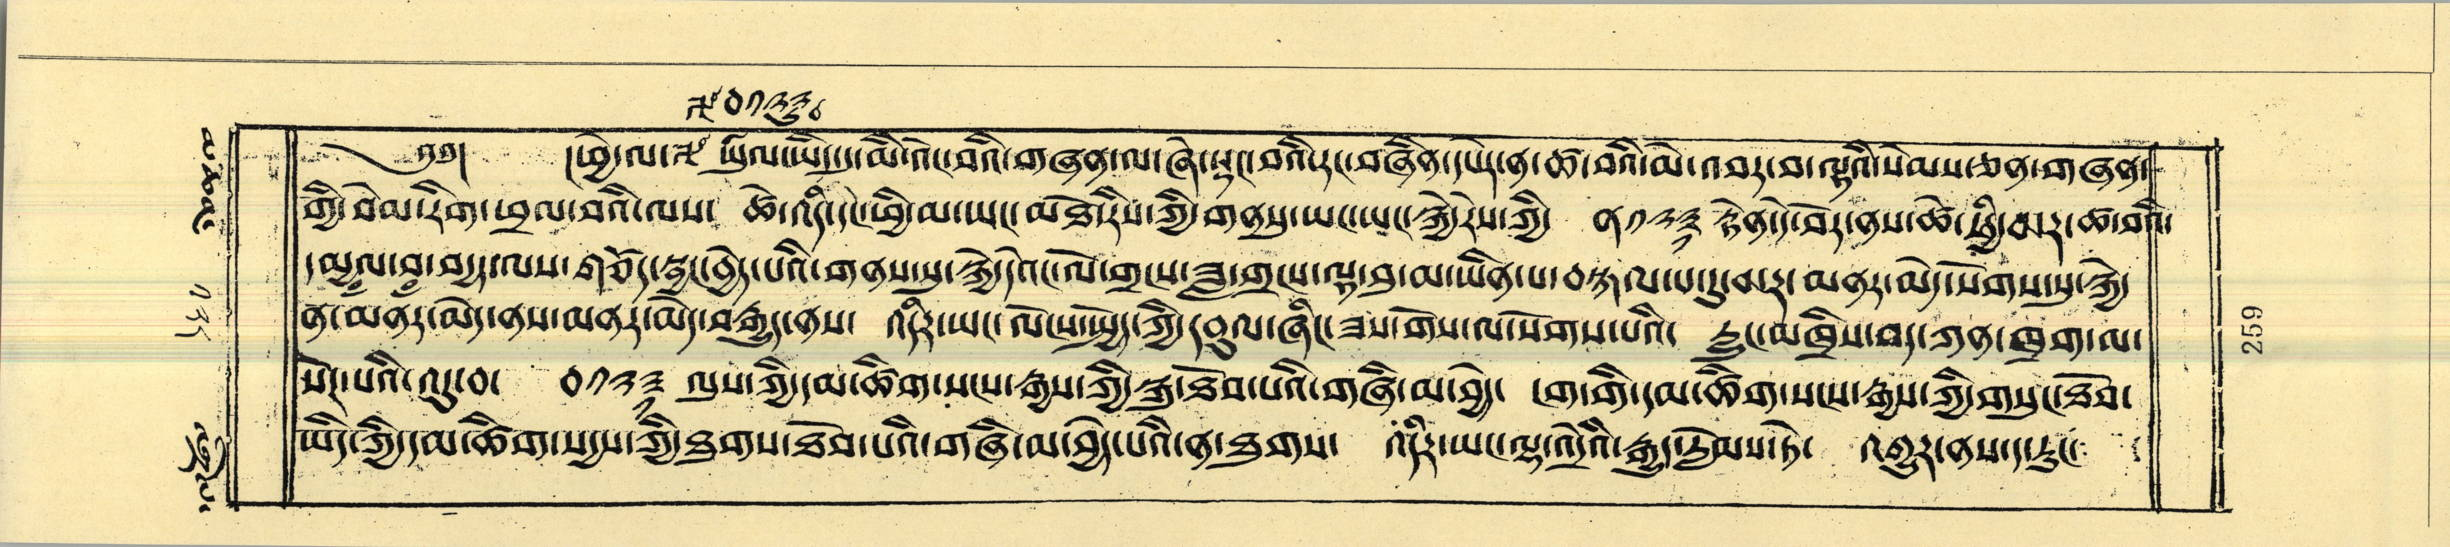ཕྱེ་ལ་བ༡༢༢།༦ ཡུལ་ཡིད་དུ་མི་འོང་བའི་གཞན་ལ་ཞེ་སྡང་བའི་རང་བཞིན་དཔེར་ན་ཚ་བའི་མེ་འབར་བ་ལྷའི་སེམས་ཅན་གཞན་
གྱི་བེམ་རིག་ཕྲལ་བའི་ལས། ཚེ་འདི་དང་ཕྱི་མ་ཡང་མཐོ་རིས་ཀྱི་གནས་སུ་ཡང་ཡང་སྐྱེ་རེས་ཀྱི་ ན༡༢༣།༡ རྟེན་དེ་བོན་ནས་ཚེ་ཕྱི་མར་ཚ་བའི་
དམྱལ་བ་བརྒྱད་ལས་གཅོད་སྦྱང་བྱེད་པའི་གནས་སུ་སྐྱེ་དེའང་ལོ་གྲངས་ཟླ་གྲངས་ལྟ་བུ་མ་ཡིན་པ་བསྐལ་པ་དུ་མར་མནར་མེད་སོགས་སུ་སྐྱེ་
ན་མནར་མེད་ནས་མནར་མེད་བརྒྱུད་ནས། འདིར་ཡང་ལོངས་སྤྱོད་ཀྱི་དབུལ་ཞིང་ཟས་གོས་ལ་སོགས་པའི། རླུང་མཁྲིས་བད་ཀན་ཁྲག་ལ་
སོགས་པའི་འདུ་བ་ བ༡༢༣།༡ ལུས་ཀྱི་དམ་ཚིག་སངས་རྒྱས་ཀྱི་སྐུ་ཐོབ་པའི་གཞི་མ་བྱེད། ངག་གི་དམ་ཚིག་སངས་རྒྱས་ཀྱི་གསུང་ཐོབ་
ཡིད་ཀྱི་དམ་ཚིག་སངས་རྒྱས་ཀྱི་ཐུགས་ཐོབ་པའི་གཞི་མ་བྱེད་པའི་ན་ཐུགས། ༼འདིར་༽ཡང་ལྷ་འདྲེའི་རྒྱུད་རློམས་ཏེ། ༼འགྱུར་༽ནས་ད་རུང་